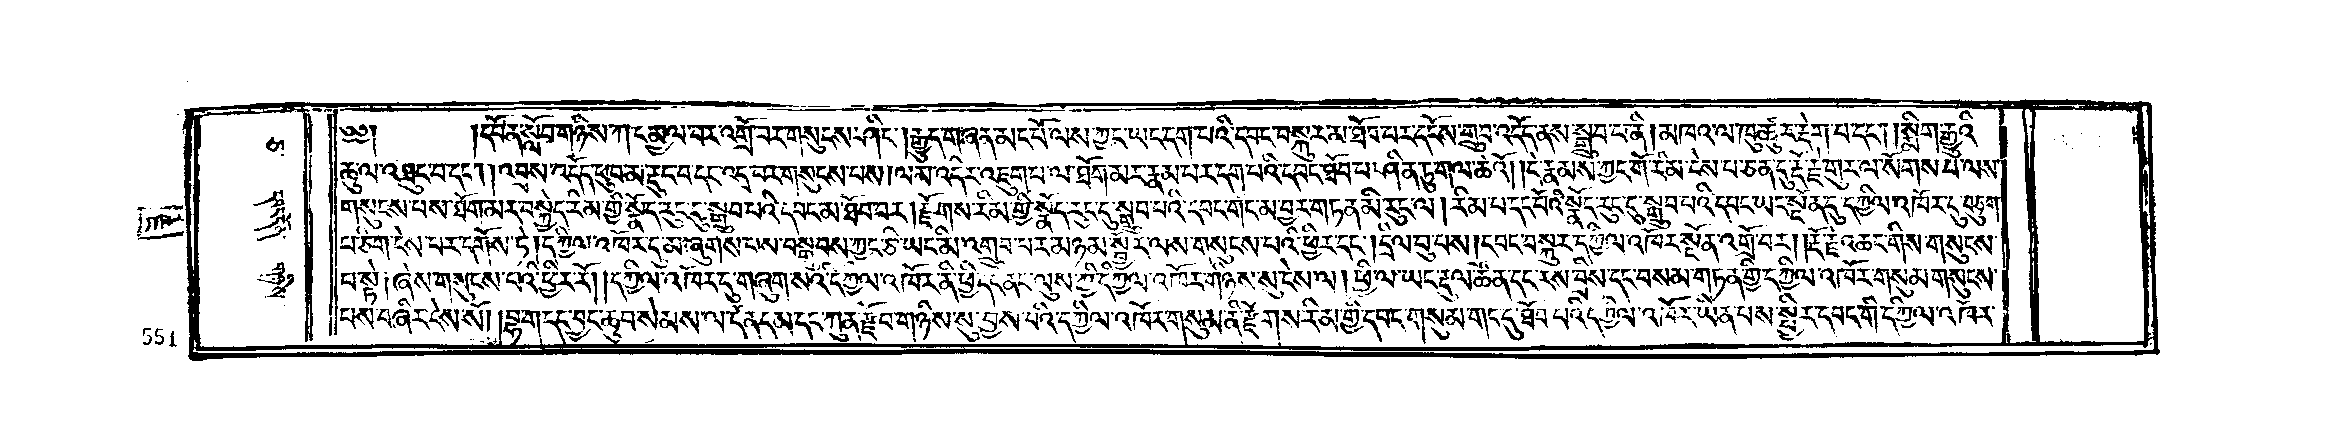༄༅། །དཔོན་སློབ་གཉིས་ཀ་དམྱལ་བར་འགྲོ་བར་གསུངས་ཤིང་། རྒྱུད་གཞན་མང་པོ་ལས་ཀྱང་ཡང་དག་པའི་དབང་བསྐུར་མ་ཐོབ་པར་དངོས་གྲུབ་འདོད་ནས་སྒྲུབ་པ་ནི། མཁའ་ལ་ཁུ་ཚུར་རྡེག་པ་དང་། །སྨིག་རྒྱུའི་
ཆུ་ལ་འཐུང་བ་དང་། །འབྲས་འདོད་ཕུབ་མ་རྡུང་བ་དང་འདྲ་བར་གསུངས་པས། ལམ་འདིར་འཇུག་པ་ལ་ཐོག་མར་རྣམ་པར་དག་པའི་དབང་ཐོབ་པ་ཤིན་ཏུ་གལ་ཆེའོ། །དེ་རྣམས་ཀྱང་གོ་རིམ་ངེས་པ་ཅན་དུ་རྡོ་རྗེ་གུར་ལ་སོགས་པ་ལས་
གསུངས་པས་ཐོག་མར་བསྐྱེད་རིམ་གྱི་སྣོད་རུང་དུ་སྒྲུབ་པའི་དབང་མ་ཐོབ་བར། རྫོགས་རིམ་གྱི་སྣོད་རུང་དུ་སྒྲུབ་པའི་དབང་གོང་མ་བྱར་གཏན་མི་རུང་ལ། རིམ་པ་དང་པོའི་སྣོད་རུང་དུ་སྒྲུབ་པའི་དབང་ཡང་སྔོན་དུ་དཀྱིལ་འཁོར་དུ་བཅུག་
པ་ཅིག་ངེས་པར་དགོས་ཏེ། དཀྱིལ་འཁོར་དུ་མ་ཞུགས་པས་བསྒྲུབས་ཀྱང་ཅི་ཡང་མི་འགྲུབ་པར་མཉམ་སྦྱོར་ལས་གསུངས་པའི་ཕྱིར་དང་། དྲིལ་བུ་པས། དབང་བསྐུར་དཀྱིལ་འཁོར་སྔོན་འགྲོ་བར། །རྡོ་རྗེ་འཆང་གིས་གསུངས་
པ་སྟེ། ཞེས་གསུངས་པའི་ཕྱིར་རོ། །དཀྱིལ་འཁོར་དུ་གཞུག་སའི་དཀྱིལ་འཁོར་ནི་ཕྱི་དང་ནང་ལུས་ཀྱི་དཀྱིལ་འཁོར་གཉིས་སུ་ངེས་ལ། ཕྱི་ལ་ཡང་རྡུལ་ཚོན་དང་རས་བྲིས་དང་བསམ་གཏན་གྱི་དཀྱིལ་འཁོར་གསུམ་གསུངས་
པས་བཞིར་ངེས་སོ། །བྷ་ག་དང་བྱང་ཆུབ་སེམས་ལ་དོན་དམ་དང་ཀུན་རྫོབ་གཉིས་སུ་བྱས་པའི་དཀྱིལ་འཁོར་གསུམ་ནི་རྫོགས་རིམ་གྱི་དབང་གསུམ་གང་དུ་ཐོབ་པའི་དཀྱིལ་འཁོར་ཡིན་པས་སྤྱིར་དབང་གི་དཀྱིལ་འཁོར་